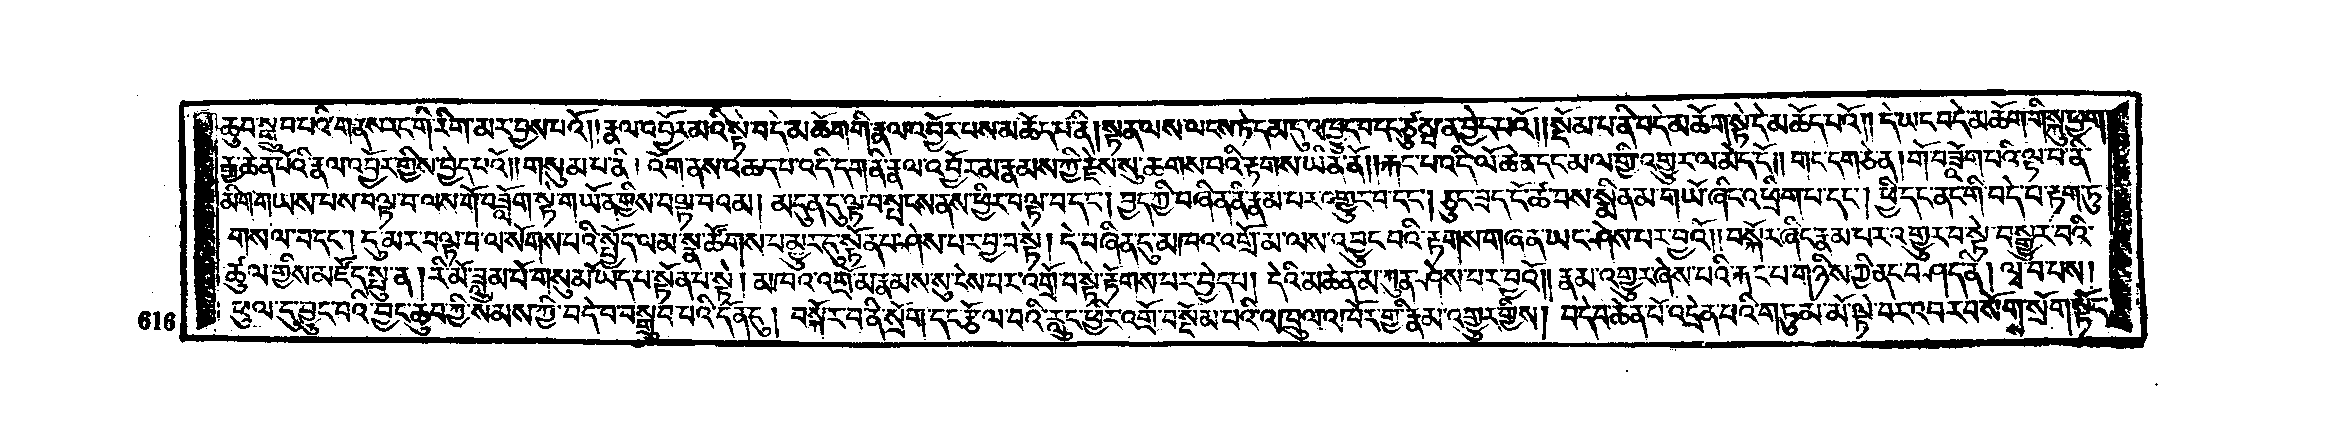ཆུབ་སྒྲུབ་པའི་གནས་རང་གི་རིག་མར་བྱས་པའོ། །རྣལ་འབྱོར་མའི་སྟེ་བདེ་མཆོག་གི་རྣལ་འབྱོར་པས་མཆོད་པ་ནི། སྟན་ལས་ལངས་ཏེ་དམ་དུ་འཁྱུད་པ་དང་ཙུམྦ་ན་བྱེད་པའོ། །སྡོམ་པ་ནི་བདེ་མཆོག་སྟེ་དེ་མཆོད་པའོ། །དེ་ཡང་བདེ་མཆོག་གི་སྐུ་ཕྱག་
རྒྱ་ཆེན་པོའི་རྣལ་འབྱོར་གྱིས་བྱེད་པའོ། །གསུམ་པ་ནི། འོག་ནས་འཆད་པ་འདི་དག་ནི་རྣལ་འབྱོར་མ་རྣམས་ཀྱི་རྗེས་སུ་ཆགས་པའི་རྟགས་ཡིན་ནོ། །རྐང་པ་འདི་ལོ་ཆེན་དང་མལ་གྱི་འགྱུར་ལ་མེད་དོ། །གང་དག་ཅེ་ན། གོ་བཟློག་པའི་ལྟ་བ་ནི་
མིག་གཡས་པས་བལྟ་བ་ལས་གོ་བཟློག་སྟེ་གཡོན་གྱིས་བལྟ་བའམ། མདུན་དུ་ལྟ་བ་སྤངས་ནས་ཕྱིར་བལྟ་བ་དང་། བྱད་ཀྱི་བཞིན་ནི་རྣམ་པར་འགྱུར་བ་དང་། ཅུང་ཟད་ངོ་ཚ་བས་སྨིན་མ་གཡོ་ཞིང་འཕྲིག་པ་དང་། ཕྱི་དང་ནང་གི་བདེ་བ་རྟག་ཏུ་
གསལ་བ་དང་། དུ་མར་བལྟ་བ་ལ་སོགས་པའི་སྤྱོད་ལམ་སྣ་ཚོགས་པ་མྱུར་དུ་སྟོན་པ་ཤེས་པར་བྱ་བ་སྟེ། དེ་བཞིན་དུ་མཁའ་འགྲོ་མ་ལས་འབྱུང་བའི་རྟགས་གཞན་ཡང་ཤེས་པར་བྱའོ། །བསྐོར་ཞིང་རྣམ་པར་འགྱུར་བ་སྟེ་བསྒྱུར་བའི་
ཚུལ་གྱིས་མཛོད་སྤུ་ན། རི་མོ་ཟླུམ་པོ་གསུམ་ཡོད་པ་སྟོན་པ་སྟེ། མཁའ་འགྲོ་མ་རྣམས་སུ་ངེས་པར་འགྲོ་བ་སྟེ་རྟོགས་པར་བྱེད་པ། དེའི་མཚན་མ་ཀུན་ཤེས་པར་བྱའོ། །རྣམ་འགྱུར་ཞེས་པའི་རྐང་པ་གཉིས་ཀྱི་ནང་བཤད་ནི། ལྭ་བ་པས།
ཕུལ་དུ་བྱུང་བའི་བྱང་ཆུབ་ཀྱི་སེམས་ཀྱི་བདེ་བ་བསྒྲུབ་པའི་དོན་དུ། བསྐོར་བ་ནི་སྲོག་དང་རྩོལ་བའི་རླུང་ཕྱིར་འགྲོ་བ་སྡོམ་པའི་འཁྲུལ་འཁོར་གྱི་རྣམ་འགྱུར་གྱིས། བདེ་བ་ཆེན་པོ་འདྲེན་པའི་གཏུམ་མོ་ལྟེ་བར་འབར་བ་སོགས་སྲོག་སྟོང་